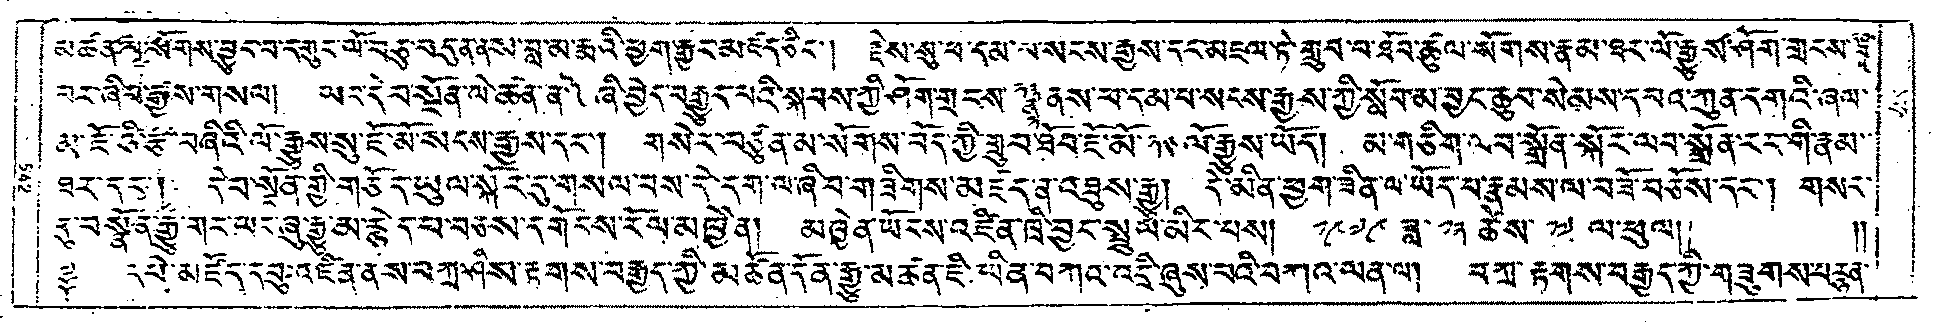མཚན་པ་སོགས་བྱུང་བ་དགུང་ལོ་བཅུ་བདུན་ནས་བླ་མ་རྨའི་ཕྱག་རྒྱར་མཛད་ཅིང་། རྗེས་སུ་ཕ་དམ་པ་སངས་རྒྱས་དང་མཇལ་ཏེ་གྲུབ་པ་ཐོབ་ཚུལ་སོགས་རྣམ་ཐར་ལོ་རྒྱུས་ཤོག་གྲངས ༢༠བ༥
པར་ཞིབ་རྒྱས་གསལ། ཡང་དེབ་སྔོན་ལེ་ཚན་ན྄་ཞི་བྱེད་བརྒྱུད་པའི་སྐབས་ཀྱི་ཤོག་གྲངས ༢༣ན༢་ནས་ཕ་དམ་པ་སངས་རྒྱས་ཀྱི་སློབ་མ་བྱང་ཆུབ་སེམས་དཔའ་ཀུན་དགའི་ཞལ་
མ་ཇོ་ཉི་རྩ་བཞིའི་ལོ་རྒྱུས་སུ་ཇོ་མོ་སངས་རྒྱས་དང་། གསེར་བཙུན་མ་སོགས་བོད་ཀྱི་གྲུབ་ཐོབ་ཇོ་མོ ༢༤་ལོ་རྒྱུས་ཡོད། མ་གཅིག་ལབ་སྒྲོན་སྐོར་ལབ་སྒྲོན་རང་གི་རྣམ་
ཐར་དང་། དེབ་སྔོན་གྱི་གཅོད་ཡུལ་སྐོར་དུ་གསལ་བས་དེ་དག་ལ་ཞིབ་གཟིགས་མཛད་ན་འཐུས་རྒྱུ། དེ་མིན་ཕྱག་ཟིན་ལ་ཡོད་པ་རྣམས་ལ་བཟོ་བཅོས་དང་། གསར་
དུ་བསྣོན་རྒྱུ་གང་ཡང་ཞུ་རྒྱུ་མ་རྙེད་པ་བཅས་དགོངས་རོལ་མཁྱཻན། མཁྱེན་ཡོངས་འཛིན་ཁྲི་བྱང་སྤྲུལ་མིང་པས། ༡༩༧༩་ཟླ ༡༢་ཚེས ༡༧་ལ་ཕུལ།། །།
༈ དཔེ་མཛོད་དབུ་འཛིན་ནས་བཀྲ་ཤིས་རྟགས་བརྒྱད་ཀྱི་མཚོན་དོན་རྒྱུ་མཚན་ཇི་ཡིན་བཀའ་འདྲི་ཞུས་པའི་བཀའ་ལན་ལ། བཀྲ་རྟགས་བརྒྱད་ཀྱི་གཟུགས་བརྙན་